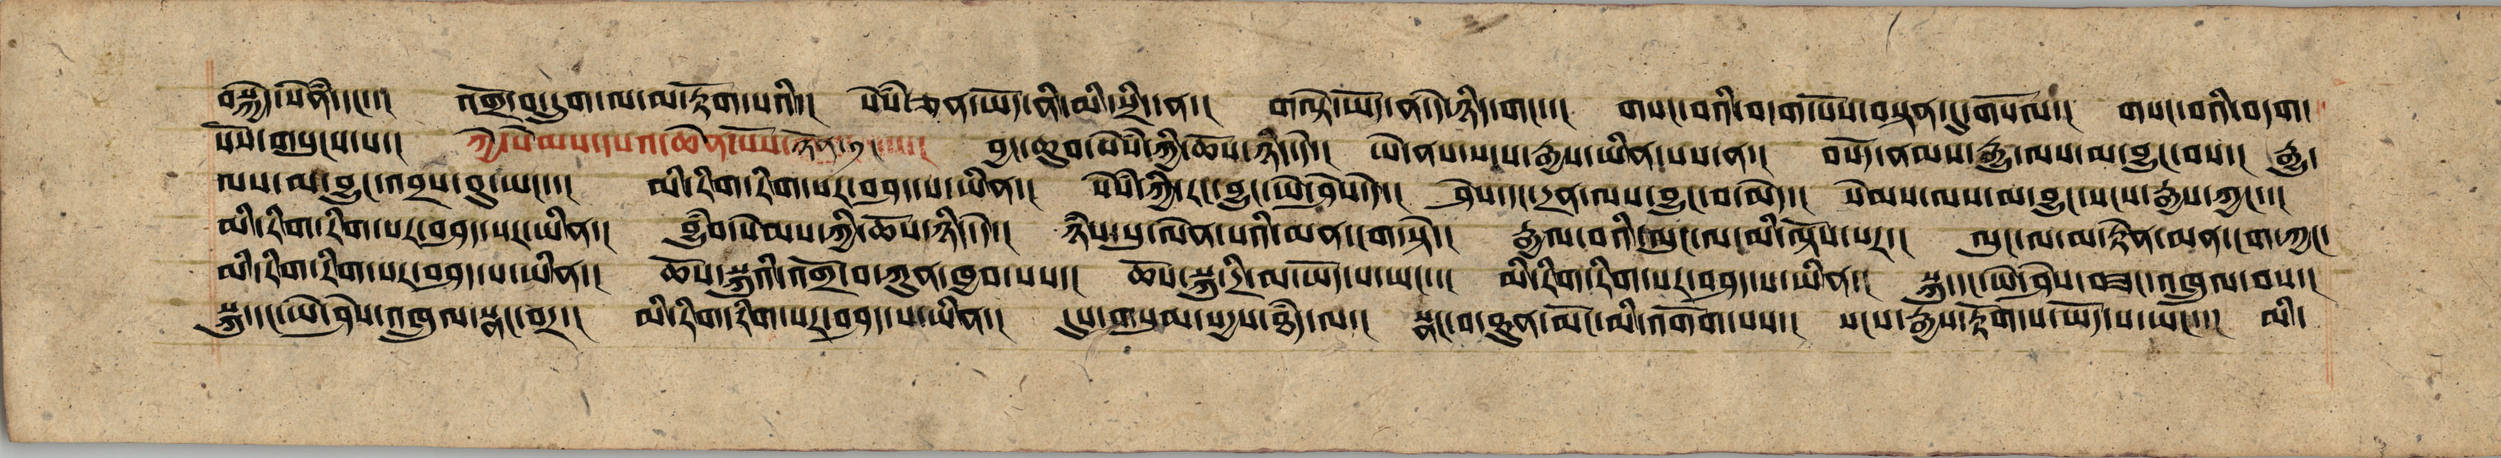བསྐྱེད་སེནཾ་དང་་། འགྲོ་བ་དྲུག་ལ་མ་རྟོག་པའི་། སེསཾ་ཅན་ཡོད་ནི་མི་སྲིད་ན་། གལྟེ་ཡོད་ན་དེ་ཉིད་གང་་། གསང་བའི་བདག་པོས་བསྟན་དུ་གསོལ་། གསང་བའི་བདག་
པོས་གསུངས་པ་། ཀྱེ་སེམས་དཔའ་ཆེན་པོས་ཉོན་༡་ལ། བྱང་ཆུབ་སེཾས་ཀྱི་ཆོས་ཉིད་དེ་། ཡེ་ནས་སངས་རྒྱས་ཡིན་པས་ན་། བསོད་ནམས་རྒྱུ་ལས་མ་བྱུང་བས་། རྒྱུ་
ལས་མ་བྱུང་འབྲས་བུ་ཡང་་། མི་རིག་རིག་པར་བཤད་པ་་ཡིན་། སེསཾ་ཀྱི་རང་བྱུང་ཡེ་ཤེས་དེ་། ཤེས་དང་དྲན་ལས་བྱུང་བ་མེད་། སེམས་ལས་མ་བྱུང་སངས་རྒྱས་ཀྱང་་།
མི་རིག་རིག་པར་བཤད་པར་ཡིན་། བྱུཾབ་སེམས་ཀྱི་ཆོས་ཉིད་དེ་། ཉིས་སུ་ལེན་པའི་མན་ངག་སྟེ་། རྒྱལ་བའི་ལུང་ལ་མི་ལྟོས་པར་། ལུང་ལ་མ་རྟེན་མན་ངག་ཀྱང་
མི་རིག་རིག་པར་བཤད་པ་ཡིན་། ཆོས་སྐུའི་འགྲོ་བ་ཀུན་ཁྱབ་པས་། ཆོས་སྐུ་དྲི་ལ་ཡོད་པ་ཡང་་། མི་རིག་རིག་པར་བཤད་པ་ཡིན་། སྐུ་དང་ཡེ་ཤེས་བཟང་འཁྲུལ་བས་།
སྐུ་དང་ཡེ་ཤེས་འཁྲུལ་སྣང་བར་། མི་རིག་རིག་པར་བཤད་པ་ཡིན་། དུས་གསུམ་སདྱས་ཐདཾ་ལ་། སྣང་བ་ཐུན་མོང་མི་འགོག་པས་། སངས་རྒྱས་རྟོག་པ་ཡོད་པ་ཡང་་། མི་